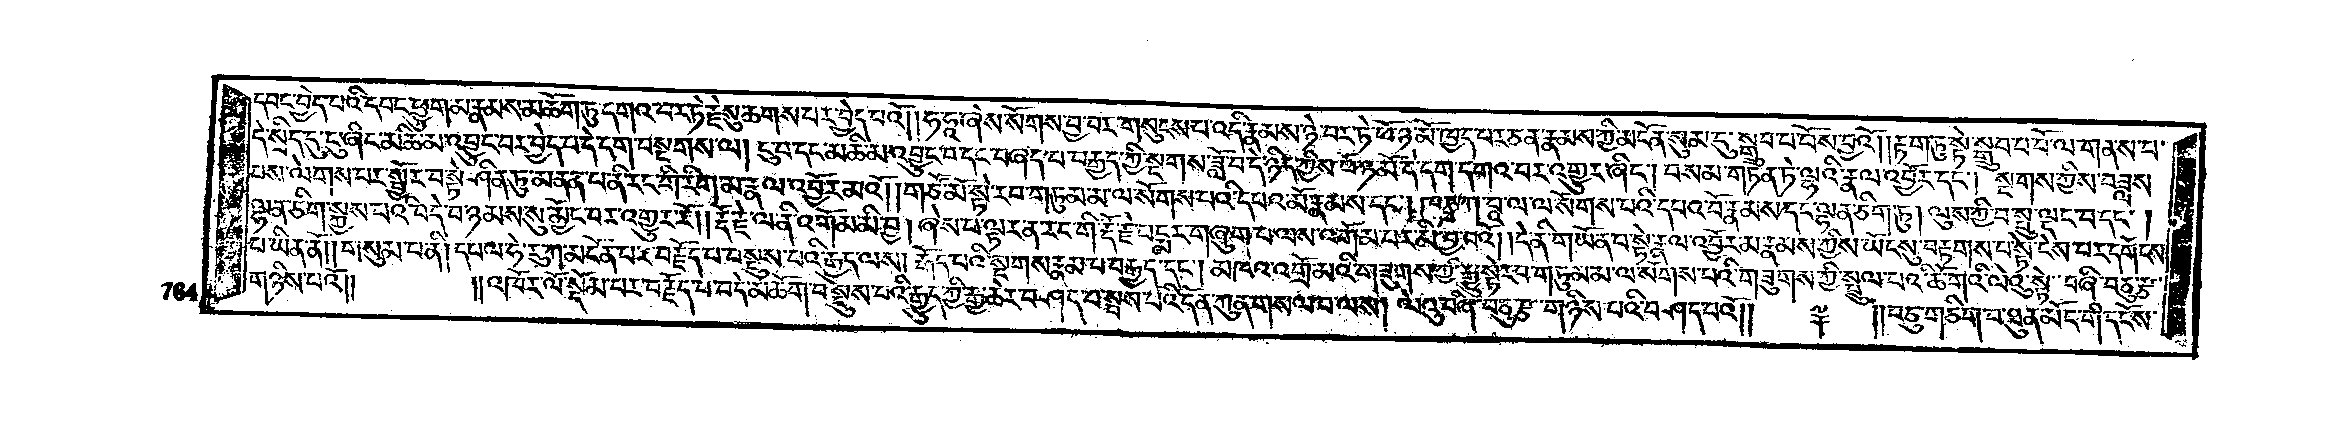དབང་བྱེད་པའི་དབང་ཕྱུག་མ་རྣམས་མཆོག་ཏུ་དགའ་པར་ཏེ་རྗེས་སུ་ཆགས་པར་བྱེད་པའོ། །ཧ་ཧཱ་ཞེས་སོགས་བྱ་བར་གསུངས་པ་འདི་རྣམས་ཉེ་བར་ཏེ་ཕོ་ཉ་མོ་ཁྱད་པར་ཅན་རྣམས་ཀྱི་མངོན་སུམ་དུ་སྒྲུབ་པ་བོས་བྱའོ། །རྟག་ཏུ་སྟེ་སྒྲུབ་པ་པོ་ལ་གནས་པ་
དེ་སྲིད་དུ་ངུ་ཞིང་མཆི་མ་འབྱུང་བར་བྱེད་པ་དེ་དག་བསྔགས་ལ། ངུ་བ་དང་མཆི་མ་འབྱུང་བ་དང་བཞད་པ་བརྒྱད་ཀྱི་སྔགས་ཟློ་བ་དེ་ཉིད་ཀྱིས་ཕོ་ཉ་མོ་དེ་དག་དགའ་བར་འགྱུར་ཞིང་། བསམ་གཏན་ཏེ་ལྷའི་རྣལ་འབྱོར་དང་། སྔགས་ཀྱིས་བཟླས་
པས་ལེགས་པར་སྦྱོར་བ་སྟེ་ཤིན་ཏུ་མནན་པ་ནི་རང་གི་རིག་མ་རྣལ་འབྱོར་མའོ། །གཙོ་མོ་སྟེ་རབ་གཏུམ་མ་ལ་སོགས་པའི་དཔའ་མོ་རྣམས་དང་། ཁཎྜ་ཀ་བཱ་ལ་ལ་སོགས་པའི་དཔའ་བོ་རྣམས་དང་ལྷན་ཅིག་ཏུ། ལུས་ཀྱི་བ་སྤུ་ལྡང་བ་དང་།
ལྷན་ཅིག་སྐྱེས་པའི་བདེ་བ་ཉམས་སུ་མྱོང་བར་འགྱུར་རོ། །རྡོ་རྗེ་ལ་ནི་འགོམ་མི་བྱ། ཞེས་པ་ལྟར་ན་རང་གི་རྡོ་རྗེ་པདམར་གཞུག་པ་ལས་འགོམ་པར་མི་བྱའོ། །དེ་ནི་གཡོན་པ་སྟེ་རྣལ་འབྱོར་མ་རྣམས་ཀྱིས་ཡོངས་སུ་བརྟགས་པ་སྟེ་ངེས་པར་དགོངས་
པ་ཡིན་ནོ། །གསུམ་པ་ནི། དཔལ་ཧེ་རུ་ཀ་མངོན་པར་བརྗོད་པ་བསྡུས་པའི་རྒྱུད་ལས། རྒོད་པའི་སྔགས་རྣམ་པ་བརྒྱད་དང་། མཁའ་འགྲོ་མའི་གཟུགས་ཀྱི་རྒྱུ་སྟེ་རབ་གཏུམ་མ་ལ་སོགས་པའི་གཟུགས་ཀྱི་སྤྲུལ་པའི་ཆོ་གའི་ལེའུ་སྟེ་བཞི་བཅུ་རྩ་
གཉིས་པའོ།། །།འཁོར་ལོ་སྡོམ་པར་བརྗོད་པ་བདེ་མཆོག་བསྡུས་པའི་རྒྱུད་ཀྱི་རྒྱ་ཆེར་བཤད་པ་སྦས་པའི་དོན་ཀུན་གསལ་བ་ལས། ལེའུ་བཞི་བཅུ་རྩ་གཉིས་པའི་བཤད་པའོ།། ༈ །།བཅུ་གཅིག་པ་ཐུན་མོང་གི་དངོས་